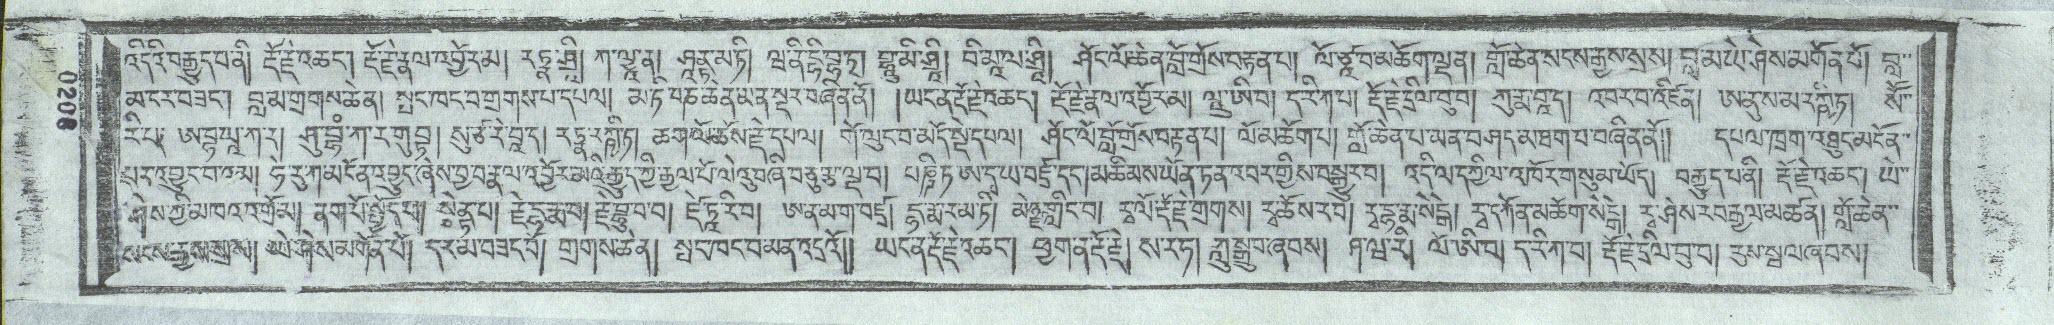འདིའི་བརྒྱུད་པ་ནི། རྡོ་རྗེ་འཆང་། རྡོ་རྗེ་རྣལ་འབྱོར་མ། རཏྣ་ཤྲཱི། ཀ་ལྱཱ་ན། ཤཱནྟ་མ་ཏི། ཝ་ནི་དྷི་བྷ་ཏྲ། བྷཱུ་མི་ཤྲཱི། བི་མཱ་ལ་ཤྲཱི། ཤོང་ལོ་ཆེན་བློ་གྲོས་བརྟན་པ། ལོ་ཙཱ་པ་མཆོག་ལྡན། གློ་ཆེན་སངས་རྒྱས་སྲས། བླ་མ་ཡེ་ཤེས་མགོན་པོ། བླ་
མ་ངར་བཟང་། བླ་མ་གྲགས་ཆེན། སྤང་ཁང་བ་གྲགས་པ་དཔལ། མ་ཏི་པཎ་ཆེན་མན་སྔར་བཞིན་ནོ། །ཡང་ན་རྡོ་རྗེ་འཆང་། རྡོ་རྗེ་རྣལ་འབྱོར་མ། ལཱུ་ཨི་པ། ད་རི་ཀ་པ། རྡོ་རྗེ་དྲིལ་བུ་བ། ཀུརྨ་བཱ་ད། འབར་བ་འཛིན། ཨ་ནུ་ས་མ་རཀྵི་ཏ། སཽ་
རི་པ༑ ཨབྷ་ཡཱ་ཀ་ར། ཤུ་ཕ་ཀ་ར་གུབཏ། སུ་ཙ་རེ་གཱ་ད། རཏྣ་རཀྵི་ཏ། ཆག་ལོ་ཆོས་རྗེ་དཔལ། གོ་ལུང་བ་མདོ་སྡེ་དཔལ། ཤོང་ལོ་བློ་གྲོས་བརྟན་པ། ལོ་མཆོག་པ། བློ་ཆེན་པ་མན་བཤད་མ་ཐག་པ་བཞིན་ནོ།། དཔལ་ཁྲག་འཐུང་མངོན་
པར་འབྱུང་བའམ་ཧེ་རུ་ཀ་མངོན་འབྱུང་ཞེས་བྱ་བ་རྣལ་འབྱོར་མའི་རྒྱུད་ཀྱི་རྒྱལ་པོ་ལེའུ་བཞི་བཅུ་རྩ་ལྔ་པ། པཎྜི་ཏ་ཨ་ད་ཡ་བཛྲ་དང་། མཆིམས་ཡོན་ཏན་འབར་གྱིས་བསྒྱུར་བ། འདི་ལ་དཀྱིལ་འཁོར་གསུམ་ཡོད། བརྒྱུད་པ་ནི་རྡོ་རྗེ་འཆང་། ཡེ་
ཤེས་ཀྱི་མཁའ་འགྲོ་མ། ནག་པོ་སྤྱོད་པ། སེནྟ་པ། རྗེ་དྷརྨ་བ། རྗེ་བྷུ་བ་བ། ཛེ་ཏཱ་རི་བ། ཨ་ན་མ་ག་བཛྲ། དྷ་རྨ་ར་མ་ཏི། མེཉྫ་གླིང་བ། རྭ་ལོ་རྡོ་རྗེ་གྲགས། རྭ་ཆོས་རབ། རྭ་དྷ་རྨ་སེངྒེ། རྭ་དཀོན་མཆོག་སེངྒེ། རྭ་ཤེས་རབ་རྒྱལ་མཚན། གློ་ཆེན་
སངས་རྒྱས་སྲས། ཡེ་ཤེས་མགོན་པོ། དར་མ་བཟང་བོ། གྲགས་ཆེན། སྤང་ཁང་བ་མན་འདྲའོ།། ཡང་ན་རྡོ་རྗེ་འཆང་། ཕྱག་ན་རྡོ་རྗེ། ས་ར་ཏ། ཀླུ་སྒྲུབ་ཞབས། ཏ་ཝ་རི། ལོ་ཨི་བ། ད་རི་ཀ་བ། རྡོ་རྗེ་དྲིལ་བུ་བ། རུས་སྦལ་ཞབས།